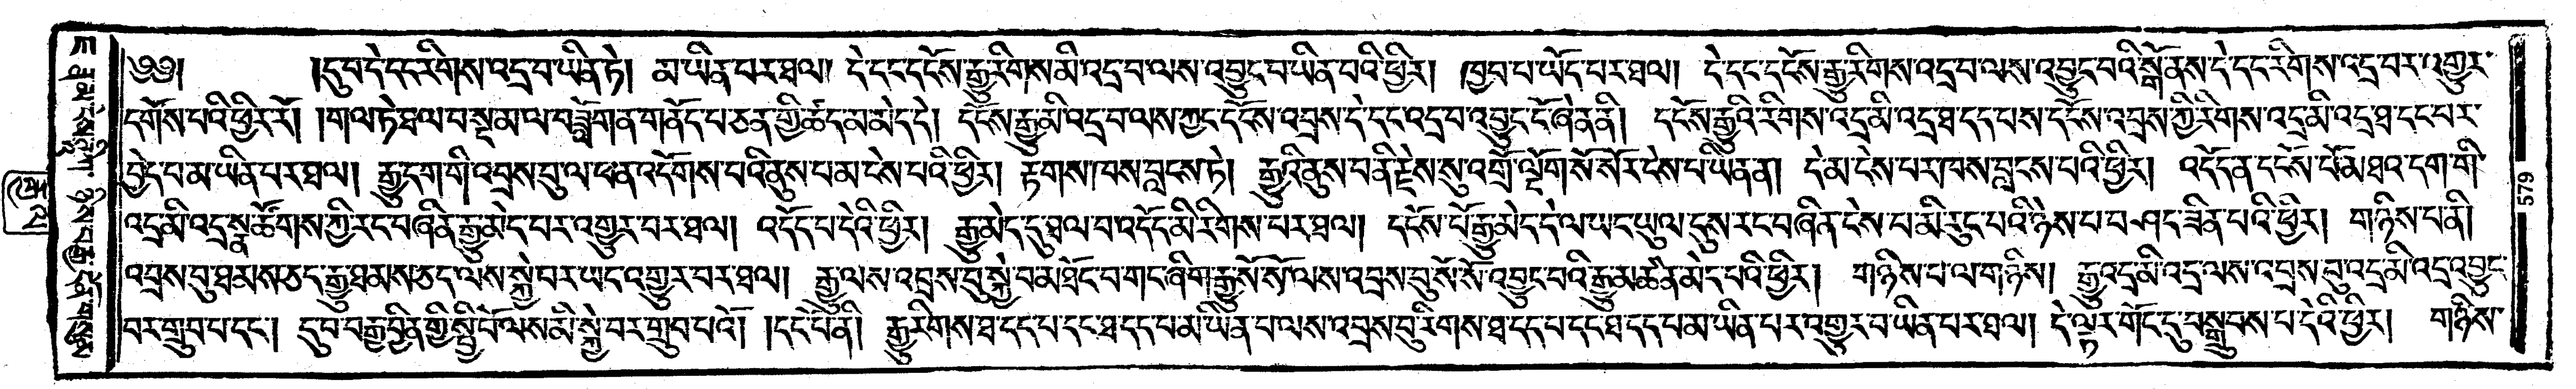༄༅། །དུ་བ་དེ་དང་རིགས་འདྲ་བ་ཡིན་ཏེ། མ་ཡིན་པར་ཐལ། དེ་དང་དངོས་རྒྱུ་རིགས་མི་འདྲ་བ་ལས་འབྱུང་བ་ཡིན་པའི་ཕྱིར། ཁྱབ་པ་ཡོད་པར་ཐལ། དེ་དང་དངོས་རྒྱུ་རིགས་འདྲ་བ་ལས་འབྱུང་བའི་སྒོ་ནས་དེ་དང་རིགས་འདྲ་བར་འགྱུར་
དགོས་པའི་ཕྱིར་རོ། །གལ་ཏེ་ཐལ་བ་སྔ་མ་ལ་བཟློག་ན་གནོད་པ་ཅན་གྱི་ཚད་མ་མེད་དེ། དངོས་རྒྱུ་མི་འདྲ་བ་ལས་ཀྱང་དངོས་འབྲས་དེ་དང་འདྲ་བ་འབྱུང་ངོ་ཞེ་ན་ནི། དངོས་རྒྱུའི་རིགས་འདྲ་མི་འདྲ་ཐ་དད་པས་དངོས་འབྲས་ཀྱི་རིགས་འདྲ་མི་འདྲ་ཐ་དང་བར་
བྱེད་པ་མ་ཡིན་པར་ཐལ། རྒྱུ་དག་གི་འབྲས་བུ་ལ་ཕན་འདོགས་པའི་ནུས་པ་མ་ངེས་པའི་ཕྱིར། རྟགས་ཁས་བླངས་ཏེ། རྒྱུའི་ནུས་པ་ནི་རྗེས་སུ་འགྲོ་ལྡོག་སོ་སོར་ངེས་པ་ཡིན་ན། དེ་མ་ངེས་པར་ཁས་བླངས་པའི་ཕྱིར། འདོད་ན་དངོས་པོ་མཐའ་དག་གི་
འདྲ་མི་འདྲ་སྣ་ཚོགས་ཀྱི་རང་བཞིན་རྒྱུ་མེད་པར་འགྱུར་བར་ཐལ། འདོད་པ་དེའི་ཕྱིར། རྒྱུ་མེད་དུ་ཐལ་བ་འདོད་མི་རིགས་པར་ཐལ། དངོས་པོ་རྒྱུ་མེད་དེ་ལ་ཡང་ཡུལ་དུས་རང་བཞིན་ངེས་པ་མི་རུང་བའི་ཉེས་པ་བཤད་ཟིན་པའི་ཕྱིར། གཉིས་པ་ནི།
འབྲས་བུ་ཐམས་ཅད་རྒྱུ་ཐམས་ཅད་ལས་སྐྱེ་བར་ཡང་འགྱུར་བར་ཐལ། རྒྱུ་ལས་འབྲས་བུ་སྐྱེ་བ་མཐོང་བ་གང་ཞིག་རྒྱུ་སོ་སོ་ལས་འབྲས་བུ་སོ་སོ་འབྱུང་བའི་རྒྱུ་མཚན་མེད་པའི་ཕྱིར། གཉིས་པ་ལ་གཉིས། རྒྱུ་འདྲ་མི་འདྲ་ལས་འབྲས་བུ་འདྲ་མི་འདྲ་འབྱུང་
བར་གྲུབ་པ་དང་། དུ་བ་བརྒྱ་བྱིན་གྱི་སྤྱི་བོ་ལས་མི་སྐྱེ་བར་གྲུབ་པའོ། །དང་པོ་ནི། རྒྱུ་རིགས་ཐ་དད་པ་དང་ཐ་དད་པ་མ་ཡིན་པ་ལས་འབྲས་བུ་རིགས་ཐ་དད་པ་དང་ཐ་དད་པ་མ་ཡིན་པར་འགྱུར་བ་ཡིན་པར་ཐལ། དེ་ལྟར་གོང་དུ་བསྒྲུབ་པ་དེའི་ཕྱིར། གཉིས་